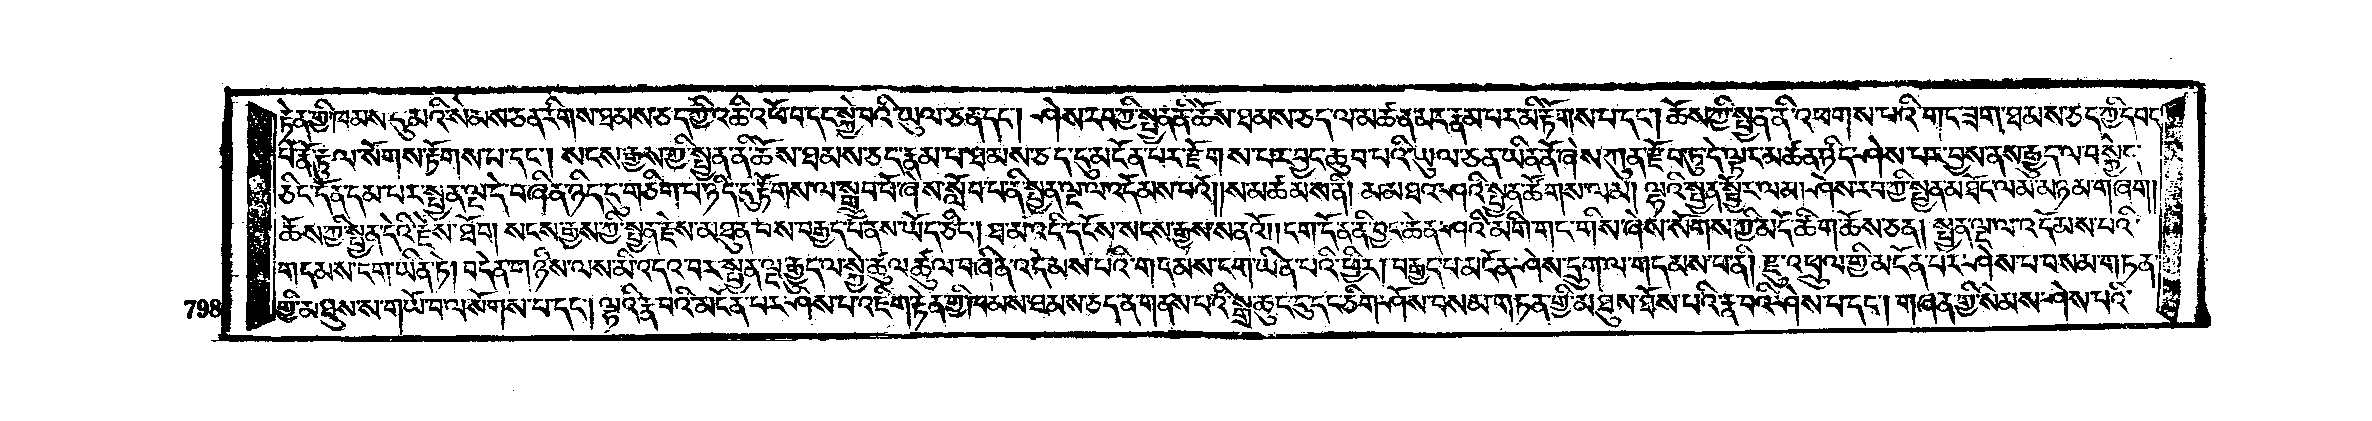རྟེན་གྱི་ཁམས་དུ་མའི་སེམས་ཅན་རིགས་ཐམས་ཅད་ཀྱི་འཆི་འཕོ་བ་དང་སྐྱེ་བའི་ཡུལ་ཅན་དང་། ཤེས་རབ་ཀྱི་སྤྱན་ནི་ཆོས་ཐམས་ཅད་ལ་མཚན་མར་རྣམ་པར་མི་རྟོགས་པ་དང་། ཆོས་ཀྱི་སྤྱན་ནི་འཕགས་པའི་གང་ཟག་ཐམས་ཅད་ཀྱི་དབང་
པོ་རྣོ་རྟུལ་སོགས་རྟོགས་པ་དང་། སངས་རྒྱས་ཀྱི་སྤྱན་ནི་ཆོས་ཐམས་ཅད་རྣམ་པ་ཐམས་ཅད་དུ་མངོན་པར་རྫོགས་པར་བྱང་ཆུབ་པའི་ཡུལ་ཅན་ཡིན་ནོ་ཞེས་ཀུན་རྫོབ་ཏུ་དེ་ལྟར་མཚན་ཉིད་ཤེས་པར་བྱས་ནས་རྒྱུད་ལ་བསྐྱེད་
ཅིང་དོན་དམ་པར་སྤྱན་ལྔ་དེ་བཞིན་ཉིད་དུ་གཅིག་པ་ཉིད་དུ་རྟོགས་ལ་སྒྲུབ་པོ་ཞེས་སློབ་པ་ནི་སྤྱན་ལྔ་ལ་འདོམས་པའོ། །ས་མཚམས་ནི། མ་མཐའ་ཤའི་སྤྱན་ཚོགས་ལམ། ལྷའི་སྤྱན་སྦྱོར་ལམ། ཤེས་རབ་ཀྱི་སྤྱན་མཐོང་ལམ་མཉམ་གཞག།
ཆོས་ཀྱི་སྤྱན་དེའི་རྗེས་ཐོག་ཐོབ། སངས་རྒྱས་ཀྱི་སྤྱན་རྗེས་མཐུན་པས་བརྒྱད་པ་ནས་ཡོད་ཅིང་། ཐ་མ་འདི་དངོས་སངས་རྒྱས་ས་ནའོ། །ངག་དོན་ནི་བྱང་ཆེན་ཤའི་མིག་གང་གིས་ཞེས་སོགས་ཀྱི་མདོ་ཚིག་ཆོས་ཅན། སྤྱན་ལྔ་ལ་འདོམས་པའི་
གདམས་ངག་ཡིན་ཏེ། བདེན་གཉིས་ལས་མི་འདའ་བར་སྤྱན་ལྔ་རྒྱུད་ལ་སྐྱེ་ཚུལ་ཚུལ་བཞིན་འདེམས་པའི་གདམས་ངག་ཡིན་པའི་ཕྱིར། བརྒྱད་པ་མངོན་ཤེས་དྲུག་ལ་གདམས་པ་ནི། རྫུ་འཕྲུལ་གྱི་མངོན་པར་ཤེས་པ་བསམ་གཏན་
གྱི་མཐུས་ས་གཡོ་བ་ལ་སོགས་པ་དང་། ལྷའི་རྣ་བའི་མངོན་པར་ཤེས་པ་འཇིག་རྟེན་གྱི་ཁམས་ཐམས་ཅད་ན་གནས་པའི་སྒྲ་ཆུང་ངུ་དང་ཅིག་ཤོས་བསམ་གཏན་གྱི་མཐུས་ཐོས་པའི་རྣ་བའི་ཤེས་པ་དང་། གཞན་གྱི་སེམས་ཤེས་པའི་